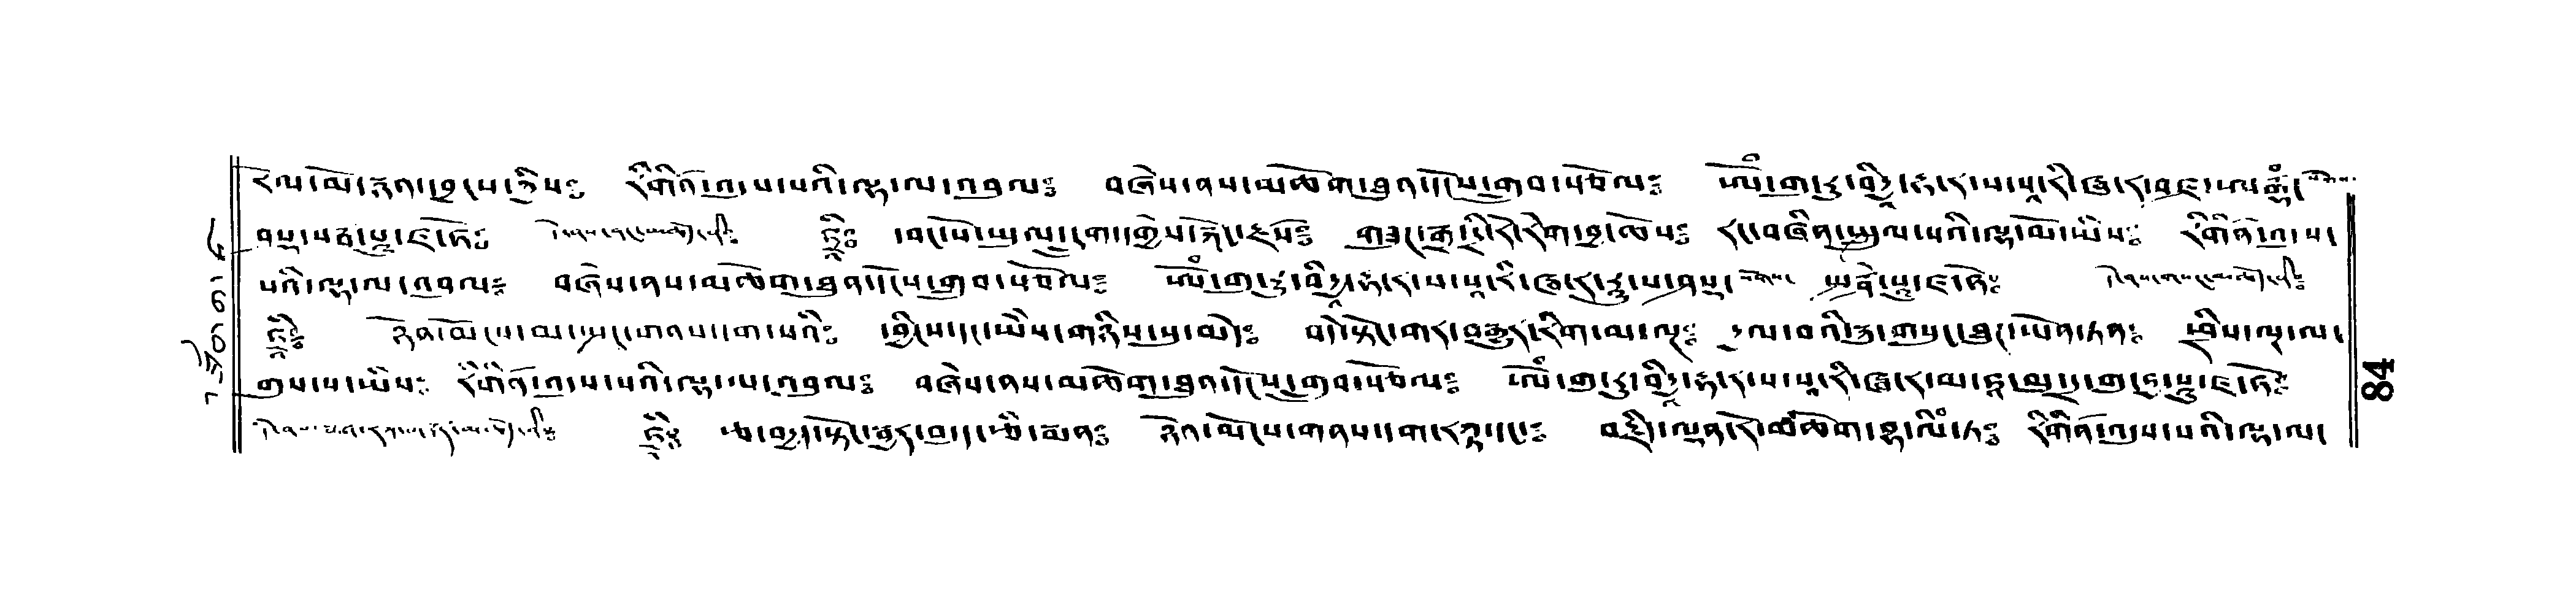རོལ་མོ་སྙན་དབྱངས་ཀྱིས༔ རིག་འཛིན་འདུས་པའི་ལྷ་ལ་འབུལ༔བཞེས་ནས་མཆོག་ཐུན་དངོས་གྲུབ་སྩོལ༔ ཨོཾ་གུ་རུ་བིདྱཱ་དྷ་ར་ས་པཱ་རི་ཝ་ར་བཛྲ་ཨརྒྷཾ༴ སོགས༔ 
ཤཔྡ་སརྦ་པཱུ་ཛ་ཧོཿ དེ་ནས་ནང་མཆོད་ནི༔ ཧྲཱིཿ དབང་པོ་ཡུལ་དྲུག་དགྱེས་སྐོང་རྫས༔ གཟུགས་སྒྲ་དྲི་རོ་རེག་བྱ་ཆོས༔ རང་བཞིན་སྤྲུལ་པའི་ལྷ་མོ་ཡིས༔ རིག་འཛིན་འདུས་
པའི་ལྷ་ལ་འབུལ༔ བཞེས་ནས་མཆོག་ཐུན་དངོས་གྲུབ་སྩོལ༔ ཨོཾ་གུ་རུ་བིདྱཱ་དྷ་ར་ས་པཱ་རི་ཝ་ར་རཱུ་པ་ཤཔྡ༴ སོགས༔ སྤརྴེ་པཱུ་ཛ་ཧོཿ དེ་ནས་གསང་མཆོད་ནི༔ 
ཧྲཱིཿ ཉོན་མོངས་མ་སྤང་གནས་དག་པའི༔ དབྱིངས་དང་ཡེ་ཤེས་གཉིས་སུ་མེད༔ བདེ་སྟོང་གར་སྒྱུར་རིག་མ་ལྔ༔ རྒྱལ་བའི་སྐུ་གསུང་ཐུགས་ཡོན་ཏན༔ ཕྲིན་ལས་ལྔ་ལ་
གུས་པ་ཡིས༔ རིག་འཛིན་འདུས་པའི་ལྷ་ལ་འབུལ༔ བཞེས་ནས་མཆོག་ཐུན་དངོས་གྲུབ་སྩོལ༔ ཨོཾ་གུ་རུ་བིདྱཱ་དྷ་ར་ས་པཱ་རི་ཝར་མུ་དྲ་གུ་ཧྱ་པཱུ་ཛ་ཧོ༔ 
དེ་ནས་སྨག་རཀ་གཏོར་མཆོད་ནི༔ ཧྲཱིཿ རྩ་བརྒྱད་སྟོང་སྦྱར་བདུད་རྩི་སྨན༔ ཉོན་མོངས་གནས་་དག་རཀྟ་དང༔ བརྗིད་ལྡན་རོ་མཆོག་བྷ་ལིཾ་ཏ༔ རིག་འཛིན་འདུས་པའི་ལྷ་ལ་